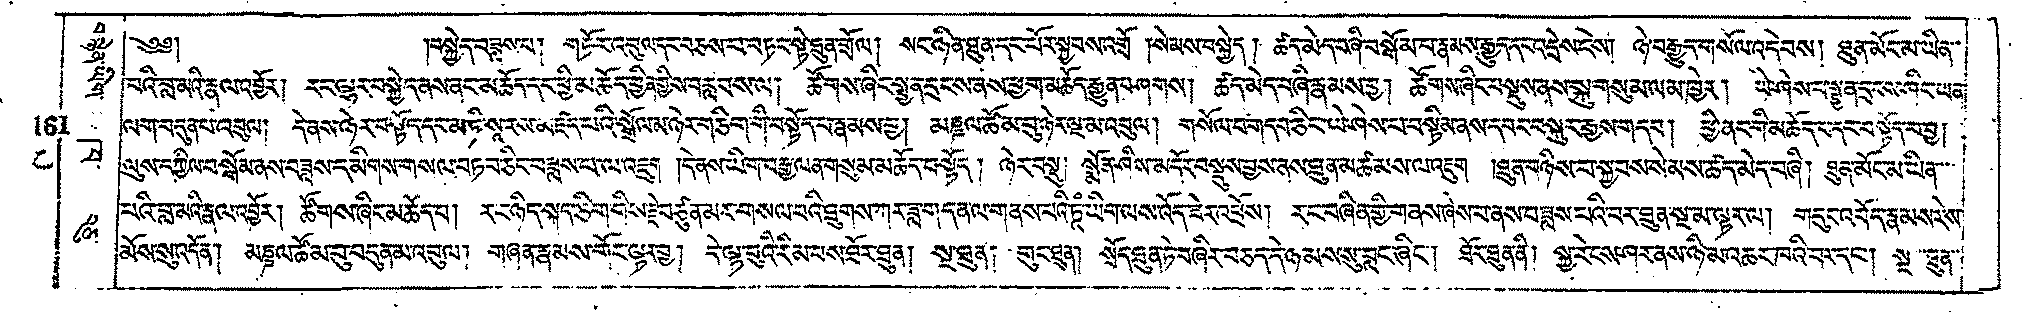༄༅། །བསྐྱེད་བཟླས་པ། གཏོར་འབུལ་དང་བཅས་པ་བཏང་སྟེ་ཐུན་གྲོལ། སང་ཉིན་ཐུན་དང་པོར་སྐྱབས་འགྲོ་།སེམས་བསྐྱེད། ཚད་མེད་བཞི་བསྒོམ་པ་རྣམས་རྒྱུད་དང་འདྲེས་ངེས། ཉེ་བརྒྱུད་གསོལ་འདེབས། ཐུན་མོང་མ་ཡིན་་་
པའི་བླ་མའི་རྣལ་འབྱོར། རང་ལྷར་བསྐྱེད་ནས་ནང་མཆོད་དང་ཕྱི་མཆོད་བྱིན་གྱིས་བརླབས་ལ། ཚོགས་ཞིང་སྤྱན་དྲངས་ནས་ཕྱག་མཆོད་རྒྱུན་བཤགས། ཚད་མེད་བཞི་རྣམས་བྱ། ཚོགས་ཞིང་བསྡུས་ནས་སྐུ་གསུམ་ལམ་ཁྱེར། ཡེ་ཤེས་པ་སྤྱན་དྲངས་ཤིང་ཡན་
ལག་བདུན་པ་འབུལ། དེ་ནས་ཉེར་བསྟོད་དང་མ་ཏི་སཱ་རས་མཛད་པའི་སྒྲོལ་མ་ཉེར་གཅིག་གི་བསྟོད་པ་རྣམས་བྱ། མཎྜལ་ཚོམ་བུ་ཉེར་ལྔ་མ་འབུལ། གསོལ་བ་གདབ་ཅིང་ཡེ་ཤེས་པ་བསྟིམ་ནས་དབང་བསྐུར་རྒྱས་གདབ། ཕྱི་ནང་གི་མཆོད་པ་དང་བསྟོད་པ་བྱ།
ལུས་དཀྱིལ་བསྒོམ་ནས་བཟླས་དམིགས་གསལ་བཏབ་ཅིང་བཟླས་པ་ལ་འཇུག། དེ་ནས་ཡིག་བརྒྱ་ལན་གསུམ་མཆོད་བསྟོད། ཉེར་བསྡུ། སྨོན་ཤིས་མདོར་བསྡུས་བྱས་ནས་ཐུན་མཚམས་ལ་འཇུག །ཐུན་གཉིས་པ་སྐྱབས་སེམས་ཚད་མེད་བཞི། ཐུན་མོང་མ་ཡིན་་་
པའི་བླ་མའི་རྣལ་འབྱོར། ཚོགས་ཞིང་མཆོད་པ། རང་ཉིད་སྐད་ཅིག་གིས་རྗེ་བཙུན་མར་གསལ་བའི་ཐུགས་ཀར་ཟླ་གདན་ལ་གནས་པའི་ཏཱཾ་ཡིག་ལས་འོད་ཟེར་འཕྲོས། རང་བཞིན་གྱི་གནས་ཞེས་པ་ནས་བཟླས་པའི་བར་ཐུན་སྔ་མ་ལྟར་ལ། གདུང་འབོད་རྣམས་རེས་
མོས་སུ་འདོན། མཎྜལ་ཚོམ་བུ་བདུན་མ་འབུལ། གཞན་རྣམས་གོང་ལྟར་བྱ། དེ་ལྟ་བུའི་རིམ་པས་ཐོར་ཐུན། སྔ་ཐུན། གུང་ཐུན། སྲོད་ཐུན་ཏེ་བཞིར་བཅད་དེ་ཉམས་སུ་བླང་ཞིང་། ཐོར་ཐུན་ནི། སྐྱ་རེངས་ཤར་ནས་ཉི་མ་འཆར་ཁའི་བར་དང་། སྔ་་་ཐུན་་་